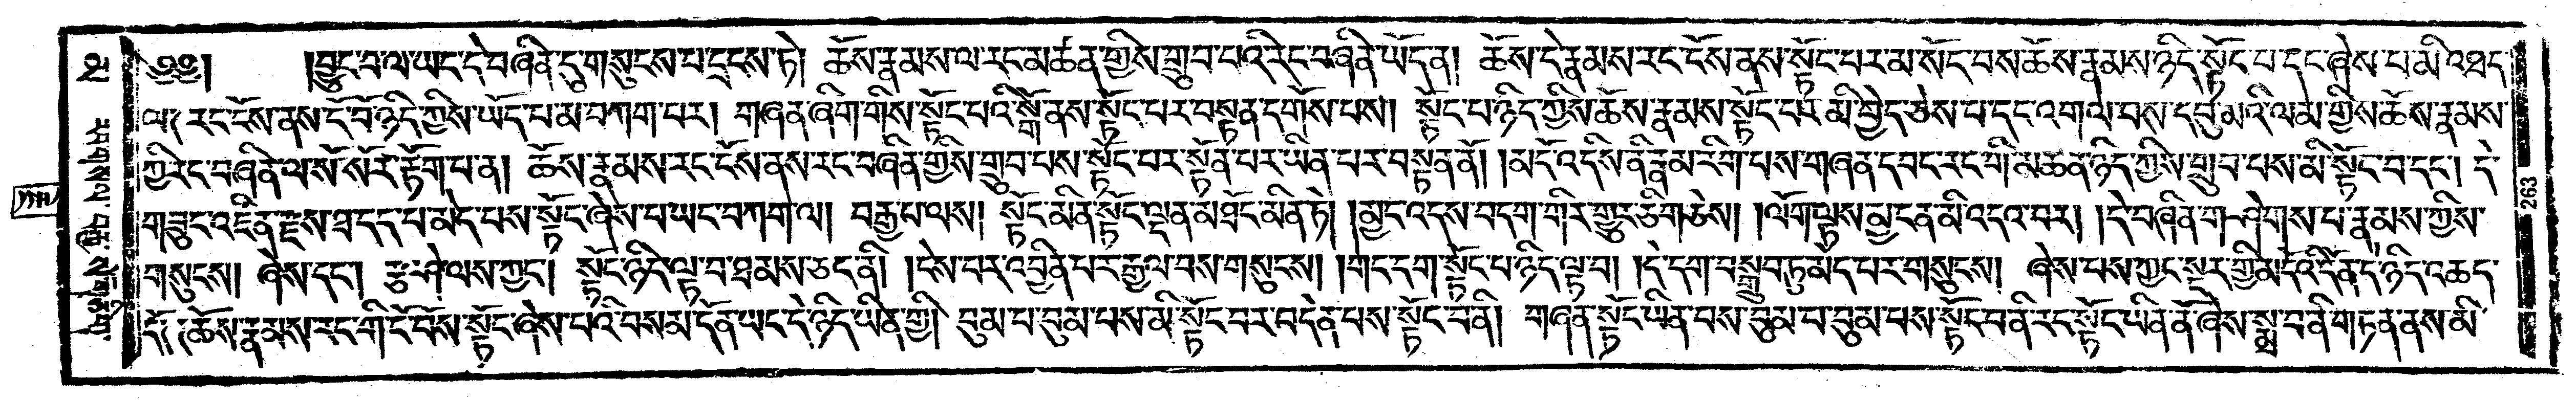༄༅། །བྱུང་བ་ལ་ཡང་དེ་བཞིན་དུ་གསུངས་པ་དྲངས་ཏེ། ཆོས་རྣམས་ལ་རང་མཚན་གྱིས་གྲུབ་པའི་རང་བཞིན་ཡོད་ན། ཆོས་དེ་རྣམས་རང་ངོས་ནས་སྟོང་པར་མ་སོང་བས་ཆོས་རྣམས་ཉིད་སྟོང་པ་དང་ཞེས་པ་མི་འཐད་
ལ༑ རང་ངོས་ནས་ངོ་བོ་ཉིད་ཀྱིས་ཡོད་པ་མ་བཀག་པར། གཞན་ཞིག་གིས་སྟོང་པའི་སྒོ་ནས་སྟོང་བར་བསྟན་དགོས་པས། སྟོང་པ་ཉིད་ཀྱིས་ཆོས་རྣམས་སྟོང་པར་མི་བྱེད་ཅེས་པ་དང་འགལ་བས་དབུ་མའི་ལམ་གྱིས་ཆོས་རྣམས་
ཀྱི་རང་བཞིན་ལ་སོ་སོར་རྟོག་པ་ན། ཆོས་རྣམས་རང་ངོས་ནས་རང་བཞིན་གྱིས་གྲུབ་པས་སྟོང་པར་སྟོན་པར་ཡིན་པར་བསྟན་ནོ། །མདོ་འདིས་ནི་རྣམ་རིག་པས་གཞན་དབང་རང་གི་མཚན་ཉིད་ཀྱིས་གྲུབ་པས་མི་སྟོང་བ་དང་། དེ་
གཟུང་འཛིན་རྫས་ཐ་དད་པ་མེད་པས་སྟོང་ཞེས་པ་ཡང་བཀག་ལ། བརྒྱ་པ་ལས། སྟོང་མིན་སྟོང་ལྡན་མཐོང་མིན་ཏེ། །མྱང་འདས་བདག་གིར་གྱུར་ཅིག་ཅེས། ལོག་ལྟས་མྱ་ངན་མི་འདའ་བར། །དེ་བཞིན་གཤེགས་པ་རྣམས་ཀྱིས་
གསུངས། ཞེས་དང་། རྩ་ཤེ་ལས་ཀྱང་། སྟོང་ཉིད་ལྟ་བ་ཐམས་ཅད་ནི། །ངེས་པར་འབྱིན་པར་རྒྱལ་བས་གསུངས། །གང་དག་སྟོང་པ་ཉིད་ལྟ་བ། །དེ་དག་བསྒྲུབ་ཏུ་མེད་པར་གསུངས། ཞེས་པས་ཀྱང་སྔར་གྱི་མདོའི་དོན་དེ་ཉིད་འཆད་
དོ༑ ༑ཆོས་རྣམས་རང་གི་ངོ་བོས་སྟོང་ཞེས་པའི་བསམ་དོན་ཡང་དེ་ཉིད་ཡིན་གྱི། བུམ་པ་བུམ་པས་མི་སྟོང་བར་བདེན་པས་སྟོང་པ་ནི། གཞན་སྟོང་ཡིན་པས་བུམ་པ་བུམ་པས་སྟོང་པ་ནི་རང་སྟོང་ཡིན་ནོ་ཞེས་སྨྲ་བ་ནི་གཏན་ནས་མི་